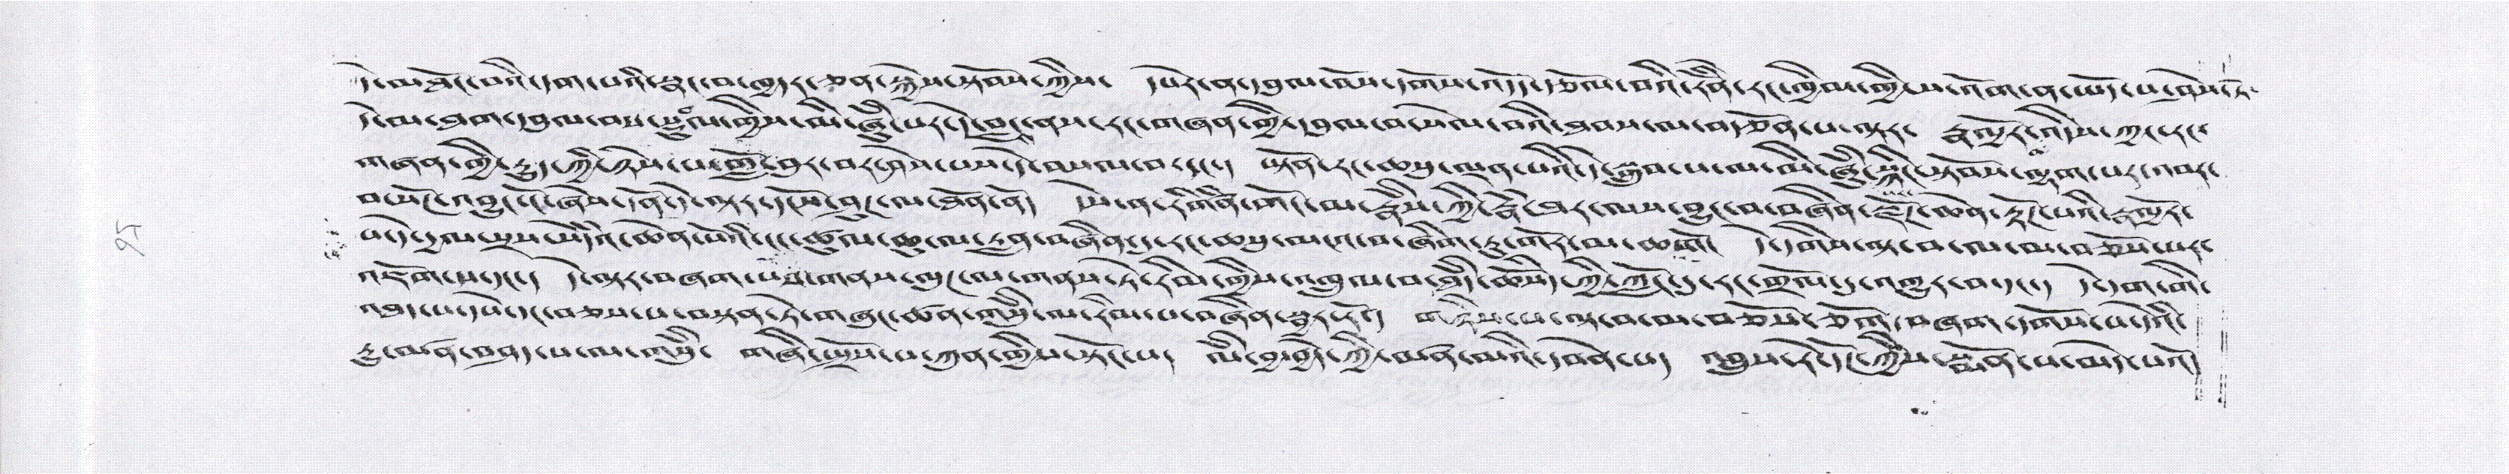དེ་མཐོང་བའི་དག་པའི་སྣང་བ་ཁྱད་པར་ཅན་སྐྱེས་སྟོབས་ཀྱིས། དཔེར་ན། དབུལ་མོས་དགོས་འདོད་སྩོལ་བའི་རིན་ཆེན་རང་ཁྱིམ་གྱི་ས་འོག་ན་ཡོད་པར་ཤེས་ཏེ་
དེ་མ་ཐག་དབུལ་བའི་སྡུག་བསྔལ་གྱིས་མི་ཞུམ་པར་དེ་བླང་ནས་རང་གཞན་གྱི་དབུལ་བ་སེལ་བའི་ཐབས་ལ་བརྩོན་པ་ལྟར། རྣལ་འབྱོར་འདིས་ཀྱང་རང་
གཞན་གྱི་རྒྱུད་ཀྱི་ཉེས་པ་གློ་བུར་བར་ཤེས་པས་དེ་བསལ་བ་དང་། ཡོན་ཏན་རང་ཆས་སུ་ལྡན་པའི་དེ་བསྒྲུབ་པ་ལ་མི་ཞུམ་པས་སྙིང་སྟོབས་ལྷག་པར་འབར་
བ་སོགས་འབྱུང་ངོ་ཞེས་དོན་དེ་ལྟར་དངོས་ཤུགས་ལ་ཐོན་ནོ། དེས་ན་རིག་འཛིན་གོང་མ་རྣམས་ཀྱི་རྣམ་ཐར་ལས་བྱུང་བ་བཞིན་རྫོགས་ཆེན་རྟོགས་པའི་རྣལ་འབྱོར་
པ་དེ་རྒྱལ་སྲས་སེམས་དཔའ་ཆེན་པོའི་ངང་ཚུལ་ཆུ་ལ་རླན་བཞིན་དུ་རང་ཆས་སུ་མངའ་བ་ཞིག་ཏུ་གོར་མ་ཆག་གོ དེ་དག་གི་ལྟ་བ་ལ་མ་བཅོས་པར་
འཇོག་པ་དང་། དེ་ལྟར་བཞག་པས་གནས་ལུགས་ལ་གནས་ཏེ་རིམ་གྱིས་འཁྲུལ་པ་ཐམས་ཅད་ཆོས་ཉིད་ཀྱི་ཀློང་དུ་རང་གྲོལ་དུ་འགྱུར་བ་དང་། དེ་དག་གི་
འཐད་པ་དཔེ་དང་བཅས་པ་བསྟན་ཏེ་གཞུང་ཚན་གསུམ་ལ་རིམ་པ་བཞིན་སྦྱར་རོ། གཉིས་པ་ལྟ་བ་ལ་མ་བཅོས་ཅོག་བཞག་དགོས་པ་དེའི་
རྒྱུ་མཚན་བཤད་པ་ལ་གསུམ། གཞི་སྤྲོས་པ་ཀུན་གྱིས་སྟོང་པ། ལམ་བྱ་བྱེད་ཀྱི་མཚན་མས་དབེན་པ། འབྲས་བུ་རེ་དྭོགས་ཀྱིས་སྨོན་པ་མེད་པའོ།